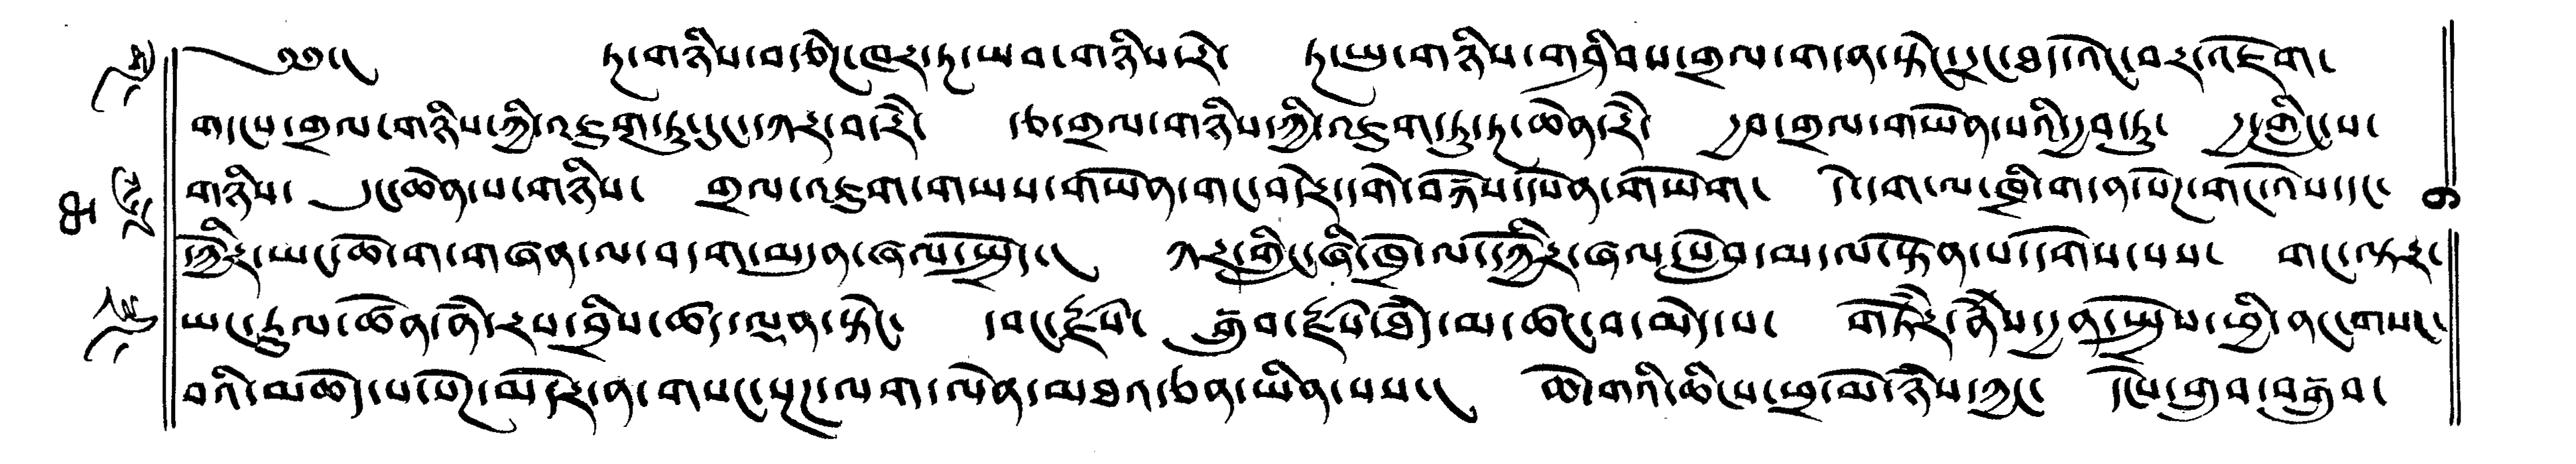རྔ་གཉིས་བརྩེགས་ཁར་རྔ་ཡབ་གཉིས་རེ། རྔ་ཡུ་གཉིས་གཤིབས་གྲལ་གདན་སྟེང་དྲང་ཐད་འོང་བར་འཇོག 
གདངས་གྲལ་གཉིས་ཀྱི་འཇུག་ཏུ་དུང་དཀར་བ་རེ་རེ། རྩ་གྲལ་གཉིས་ཀྱི་འཇུག་ཏུ་རྔ་ཆེན་རེ་རེ། རྒྱལ་གྲལ་གཡོན་པའི་རྒྱབ་ཏུ། རྒྱ་གླིང་པ་
གཉིས། དུང་ཆེན་པ་གཉིས། གྲལ་འཇུག་གཡས་གཡོན་གང་བ་དེར་དགེ་བསྐོས་དཔོན་གཡོག དེ་དག་ལ་ཁྲི་གདན་སོགས་གང་འོས་དང་། 
དཀྱིལ་འཁོར་ཡང་ཆོ་ག་གཞན་ལ་བདག་མདུན་ཞལ་སྤྲོད། ཀར་གླིང་ཞི་ཁྲོ་ལ་དཀྱིལ་འཁོར་ཞལ་སློབ་མ་ལ་སྟོན་པ་དགོས་པས། གང་ལྟར་
ཡང་རྡུལ་ཚོན་ནམ་རས་བྲིས་ཚད་ལྡན་སྟེང་། དབང་རྫས། སྒྲུབ་རྫས་ཐམས་ཅད་མ་ཚང་བ་མེད་པ། གཏོར་མ་རྣམས་རྒྱན་སྤྲོས་ཕྱི་ནང་གསང་
བའི་མཆོད་པ་སོགས་མདོར་ན་གསང་སྔགས་ལག་ལེན་གྱི་མཐའ་ཅན་ཡིན་པས། ཆོ་གའི་ཆིངས་ཕྲ་མོ་ཉམས་ཀྱང་དངོས་གྲུབ་བསྒྲུབ་